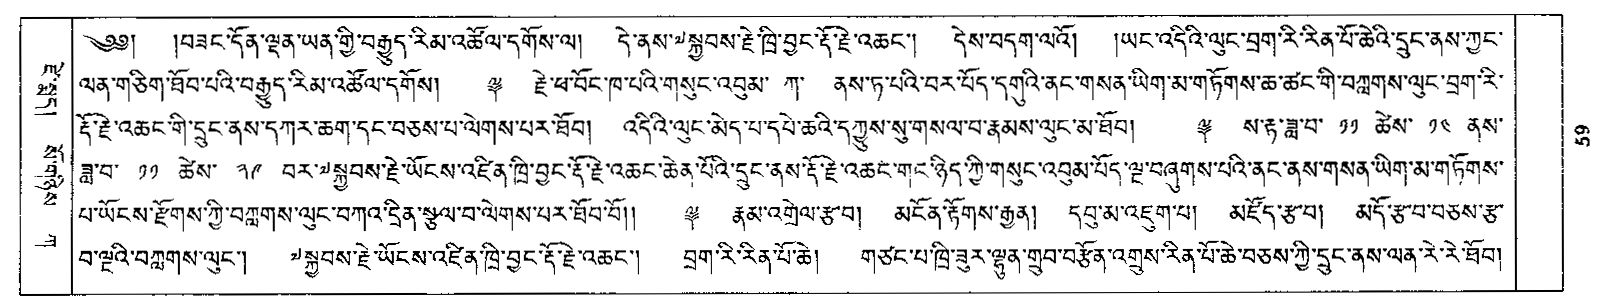༄༅། །བཟང་དོན་ལྡན་ཡན་གྱི་བརྒྱུད་རིམ་འཚོལ་དགོས་ལ། དེ་ནས་༧སྐྱབས་རྗེ་ཁྲི་བྱང་རྡོ་རྗེ་འཆང་། དེས་བདག་ལའོ། །ཡང་འདིའི་ལུང་བྲག་རི་རིན་པོ་ཆེའི་དྲུང་ནས་ཀྱང་
ལན་གཅིག་ཐོབ་པའི་བརྒྱུད་རིམ་འཚོལ་དགོས། ༈ རྗེ་ཕ་བོང་ཁ་པའི་གསུང་འབུམ་ཀ་ནས་ཏ་པའི་བར་པོད་དགུའི་ནང་གསན་ཡིག་མ་གཏོགས་ཆ་ཚང་གི་བཀླགས་ལུང་བྲག་རི་
རྡོ་རྗེ་འཆང་གི་དྲུང་ནས་དཀར་ཆག་དང་བཅས་པ་ལེགས་པར་ཐོབ། འདིའི་ལུང་མེད་པ་དཔེ་ཆའི་དཀྱུས་སུ་གསལ་བ་རྣམས་ལུང་མ་ཐོབ། ༈ ས་རྟ་ཟླ་བ ༡༡་ཚེས ༡༤་ནས་
ཟླ་བ ༡༡་ཚེས ༢༩་བར་༧སྐྱབས་རྗེ་ཡོངས་འཛིན་ཁྲི་བྱང་རྡོ་རྗེ་འཆང་ཆེན་པོའི་དྲུང་ནས་རྡོ་རྗེ་འཆང་གང་ཉིད་ཀྱི་གསུང་འབུམ་པོད་ལྔ་བཞུགས་པའི་ནང་ནས་གསན་ཡིག་མ་གཏོགས་
པ་ཡོངས་རྫོགས་ཀྱི་བཀླགས་ལུང་བཀའ་དྲིན་སྩལ་བ་ལེགས་པར་ཐོབ་བོ།། ༈ རྣམ་འགྲེལ་རྩ་བ། མངོན་རྟོགས་རྒྱན། དབུ་མ་འཇུག་པ། མཛོད་རྩ་བ། མདོ་རྩ་བ་བཅས་རྩ་
བ་ལྔའི་བཀླགས་ལུང་། ༧སྐྱབས་རྗེ་ཡོངས་འཛིན་ཁྲི་བྱང་རྡོ་རྗེ་འཆང་། བྲག་རི་རིན་པོ་ཆེ། གཙང་པ་ཁྲི་ཟུར་ལྷུན་གྲུབ་བརྩོན་འགྲུས་རིན་པོ་ཆེ་བཅས་ཀྱི་དྲུང་ནས་ལན་རེ་རེ་ཐོབ།